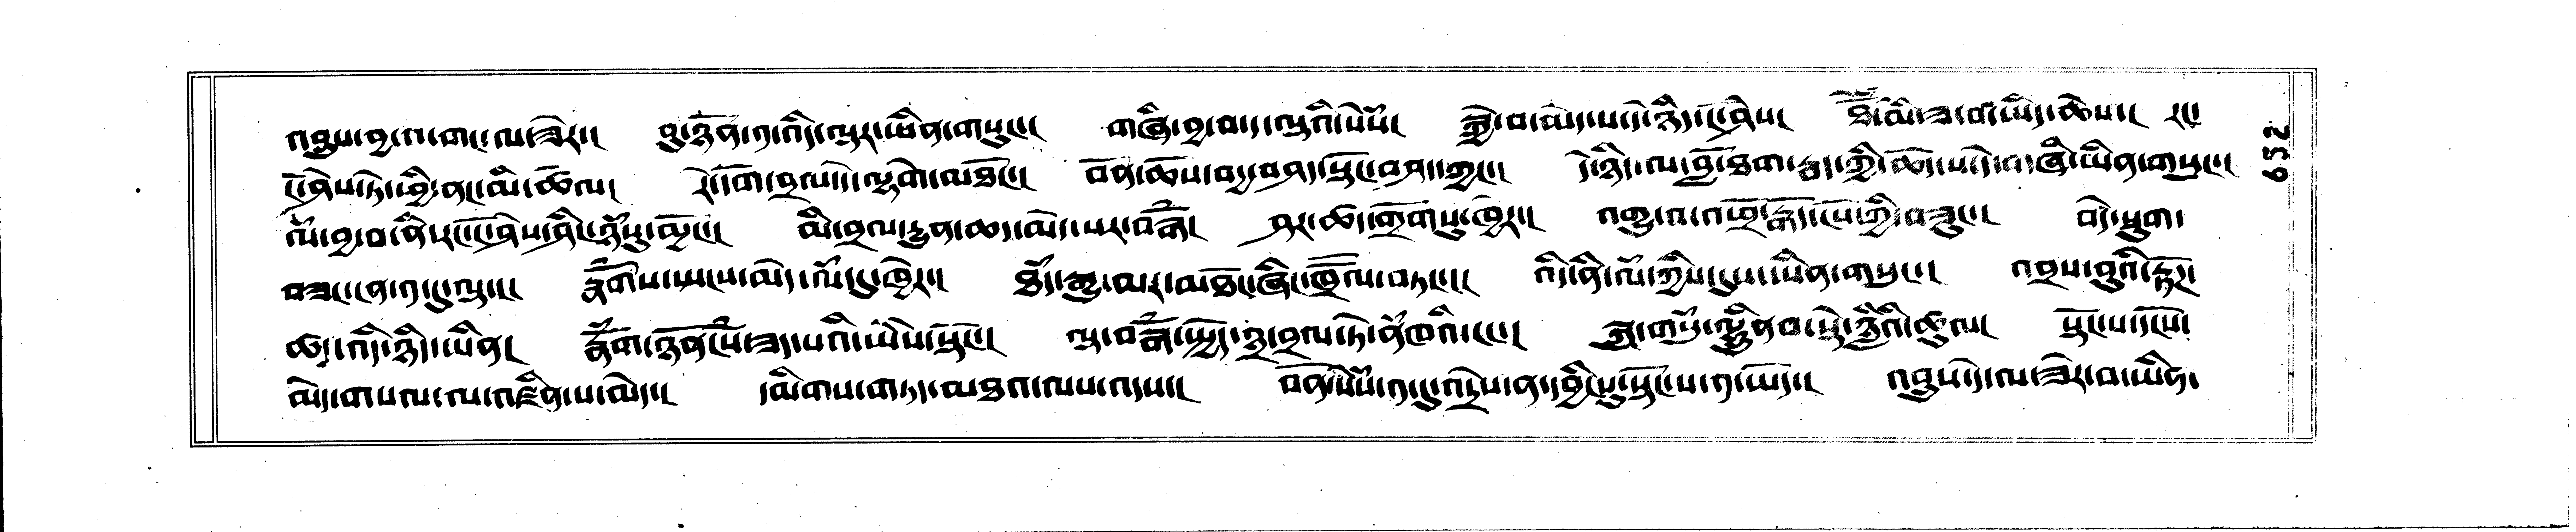ལམ་བྱ་བ་གང་ལ་ཟེར། འབྲས་བུ་བྱ་བ་གང་ལ་ཟེར། ཞུས་ཙ། བུ་ཉོན་གཅིག་འདི་ལྟར་ཡིན། གཞི་བྱ་བ་དེ་ད་ལྟའི་སེམས་སྐྱེ་བ་མེད་པ་འདི་ཉིད་ངོ་ཤེས་ཐེ་ཚོམ་མི་ཟ་ཡིད་ཆེས། རང་
ངོ་ཤེས་ཏེ་ཕྱི་ནས་‘‘ནང”མ་ཚོར་ལ། རེ་དོག་བྲལ་སྟེ་ལྷག་གི་མཐོང་། བོན་ཆོས་བརྒྱ་བཤད་སྟོང་བཤད་ཀྱང་། དེ་ཉིད་ལས་‘‘བློ”ཐག་རྦད་ཀྱིས་ཆོད་པ་དེ་གཞི་ཡིན་གསུངས། 
ལམ་བྱ་བ་ནི། རང་ངོ་ཤེས་ཤིང་ཉམས་སུ་མྱོང་། མི་འབྲལ་རྒྱུན་ཆད་མེད་པར་སྒོམ། ཤར་ཚད་དྲན་ཚད་གྲོགས་སུ་ཁྱེར། འགྱུར་བ་འཕྲོ་རྒོད་ངོས་ཀྱིས་བཟུངས། བདེ་སྡུག་
བཟང་ངན་གཅིག་ཏུ་ལྟ། སྤང་བླང་མེད་པར་ལམ་དུ་ཁྱེར། ཐམས་ཅད་སྒྱུ་མར་མཐོང་ཞིང་ཁྲོལ་ཁྲོལ་བཏང་། འདི་རྣམས་ལམ་གྱི་དུས་ཡིན་གསུངས། འབྲས་བུའི་རྟག་
ཚད་འདི་ལྟར་ཡིན། རྣམ་རྟོག་ཉོམ་མོངས་ཟད་པས་ཡེ་ཤེས་སྟོང་། ལྟ་སྒོམ་སྤྱོད་གསུམ་བྲལ་སྟེ་ནམ་མཁའི་ངང་། སྐུ་གསུམ་གྱི་ལྷུན་གྲུབ་སྟེ་ཉི་ཟླའི་ཚུལ། སྟོང་ལ་རྔོས་༼དངོས༽
མེད་གསལ་ལ་འཛིན་པ་མེད། དམིགས་གཏད་བྲལ་སྟེ་མཐའ་ལས་‘‘དྷས་’’(འདས)འདས། བོན་སེམས་གཅིག་ཏུ་འདྲེན་ན་དབྱིངས་སུ་སྟོང་བ་གཅིག་ཡོད། འབྲས་བུ་དེ་ལ་ཟེར་བ་ཡིན་